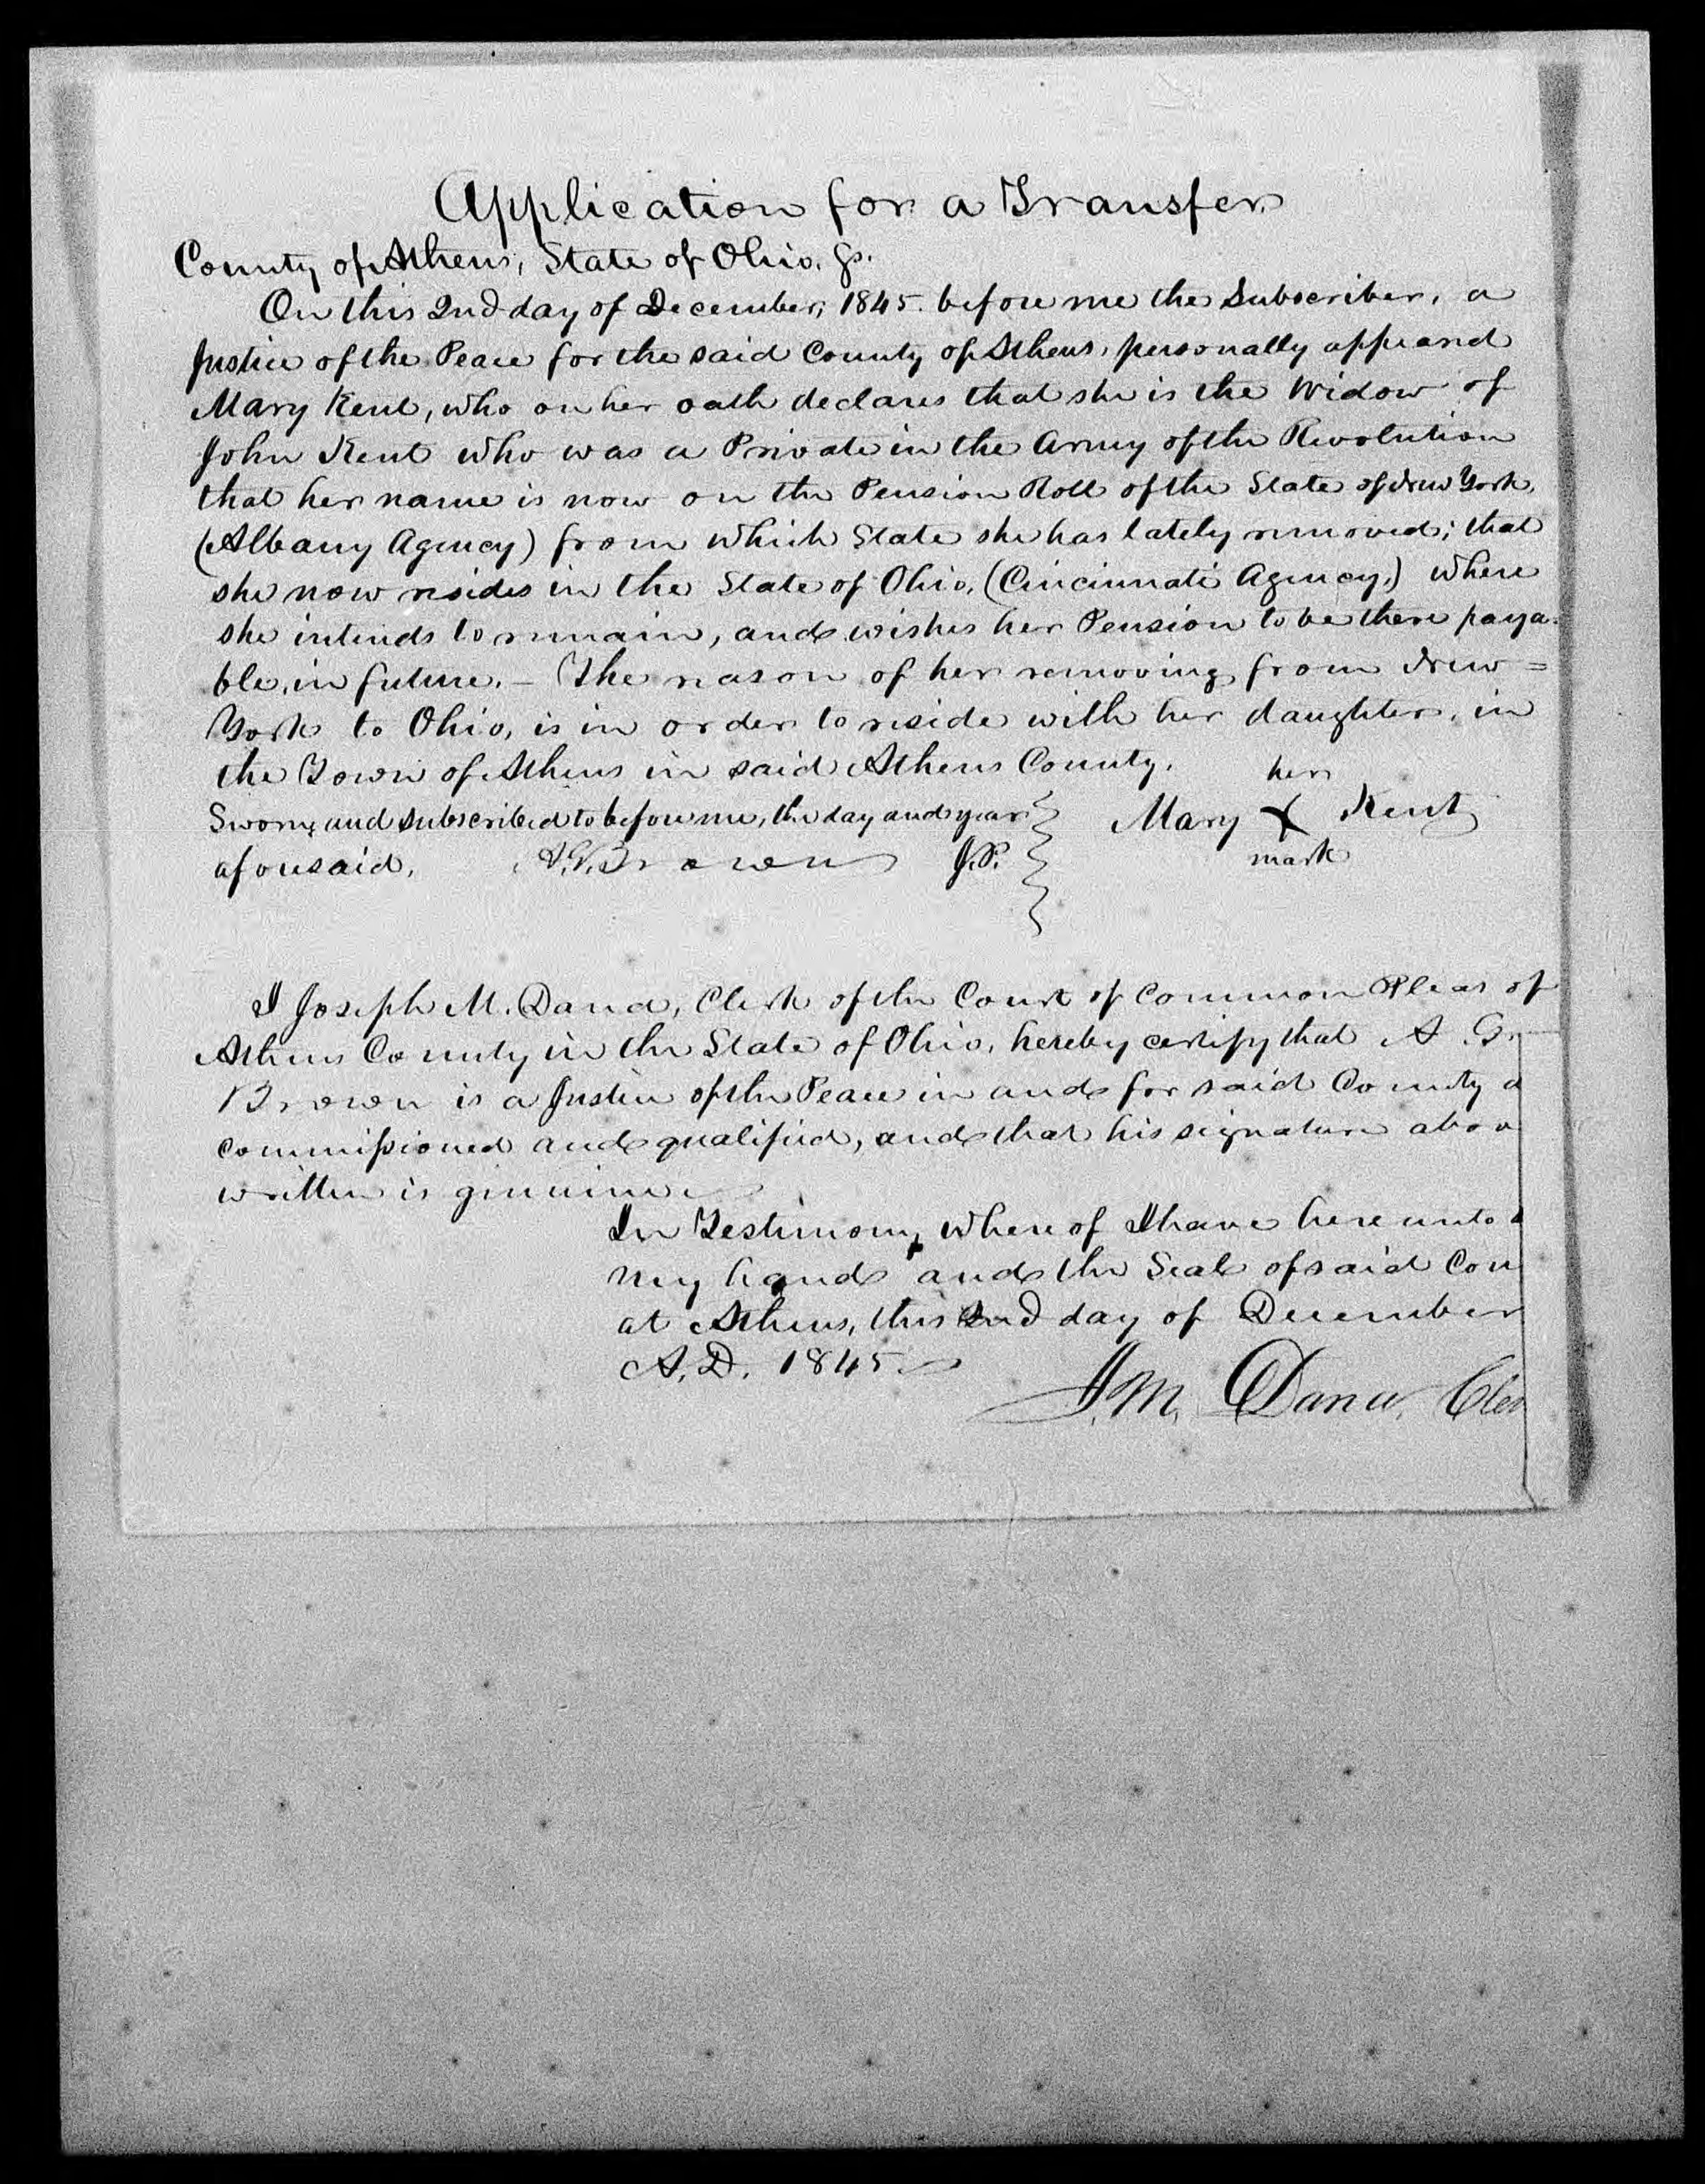Application for a Transfer
County of Athens, State of Ohio,

On this 2nd day of December 1845 before me the subscriber, a Justice of the Peace for the said County of Athens, personally appeared
Mary Kent, who on her oath declares that she is the widow of John Kent who was a Private in the Army of the Revolution that her name is now on the Pension Roll of the State of New York, (Albany Agency) from which State she has lately removed; thatshe now resides in the State of Ohio, (Cincinnati Agency,) where she intends to remain, and wishes her pension to be there payable in future. The reason of her removing from New York to Ohio, is in order to reside with her daughter in the Town of Athens in said Athens County,

Sworn and subscribed to before me, the day and year aforesaid
Mary Kent
X mark
A.G. Brown J.P.

I Joseph M. Dana, Clerk of the Court of Common Pleas of Athens County in the State of Ohio, hereby certify that A G Brown is a Justice of the Peace in and for said County
is commissioned and qualified, and that his signature above as written is genuine

In Testimony whereof I have hereunto
my hand and the seal of said County
at Athens, this 2nd day of December
A.D. 1845
J.M. Dana Clerk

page: 12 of 50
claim: widow's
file: W. 4253, for John Kent, Vermont